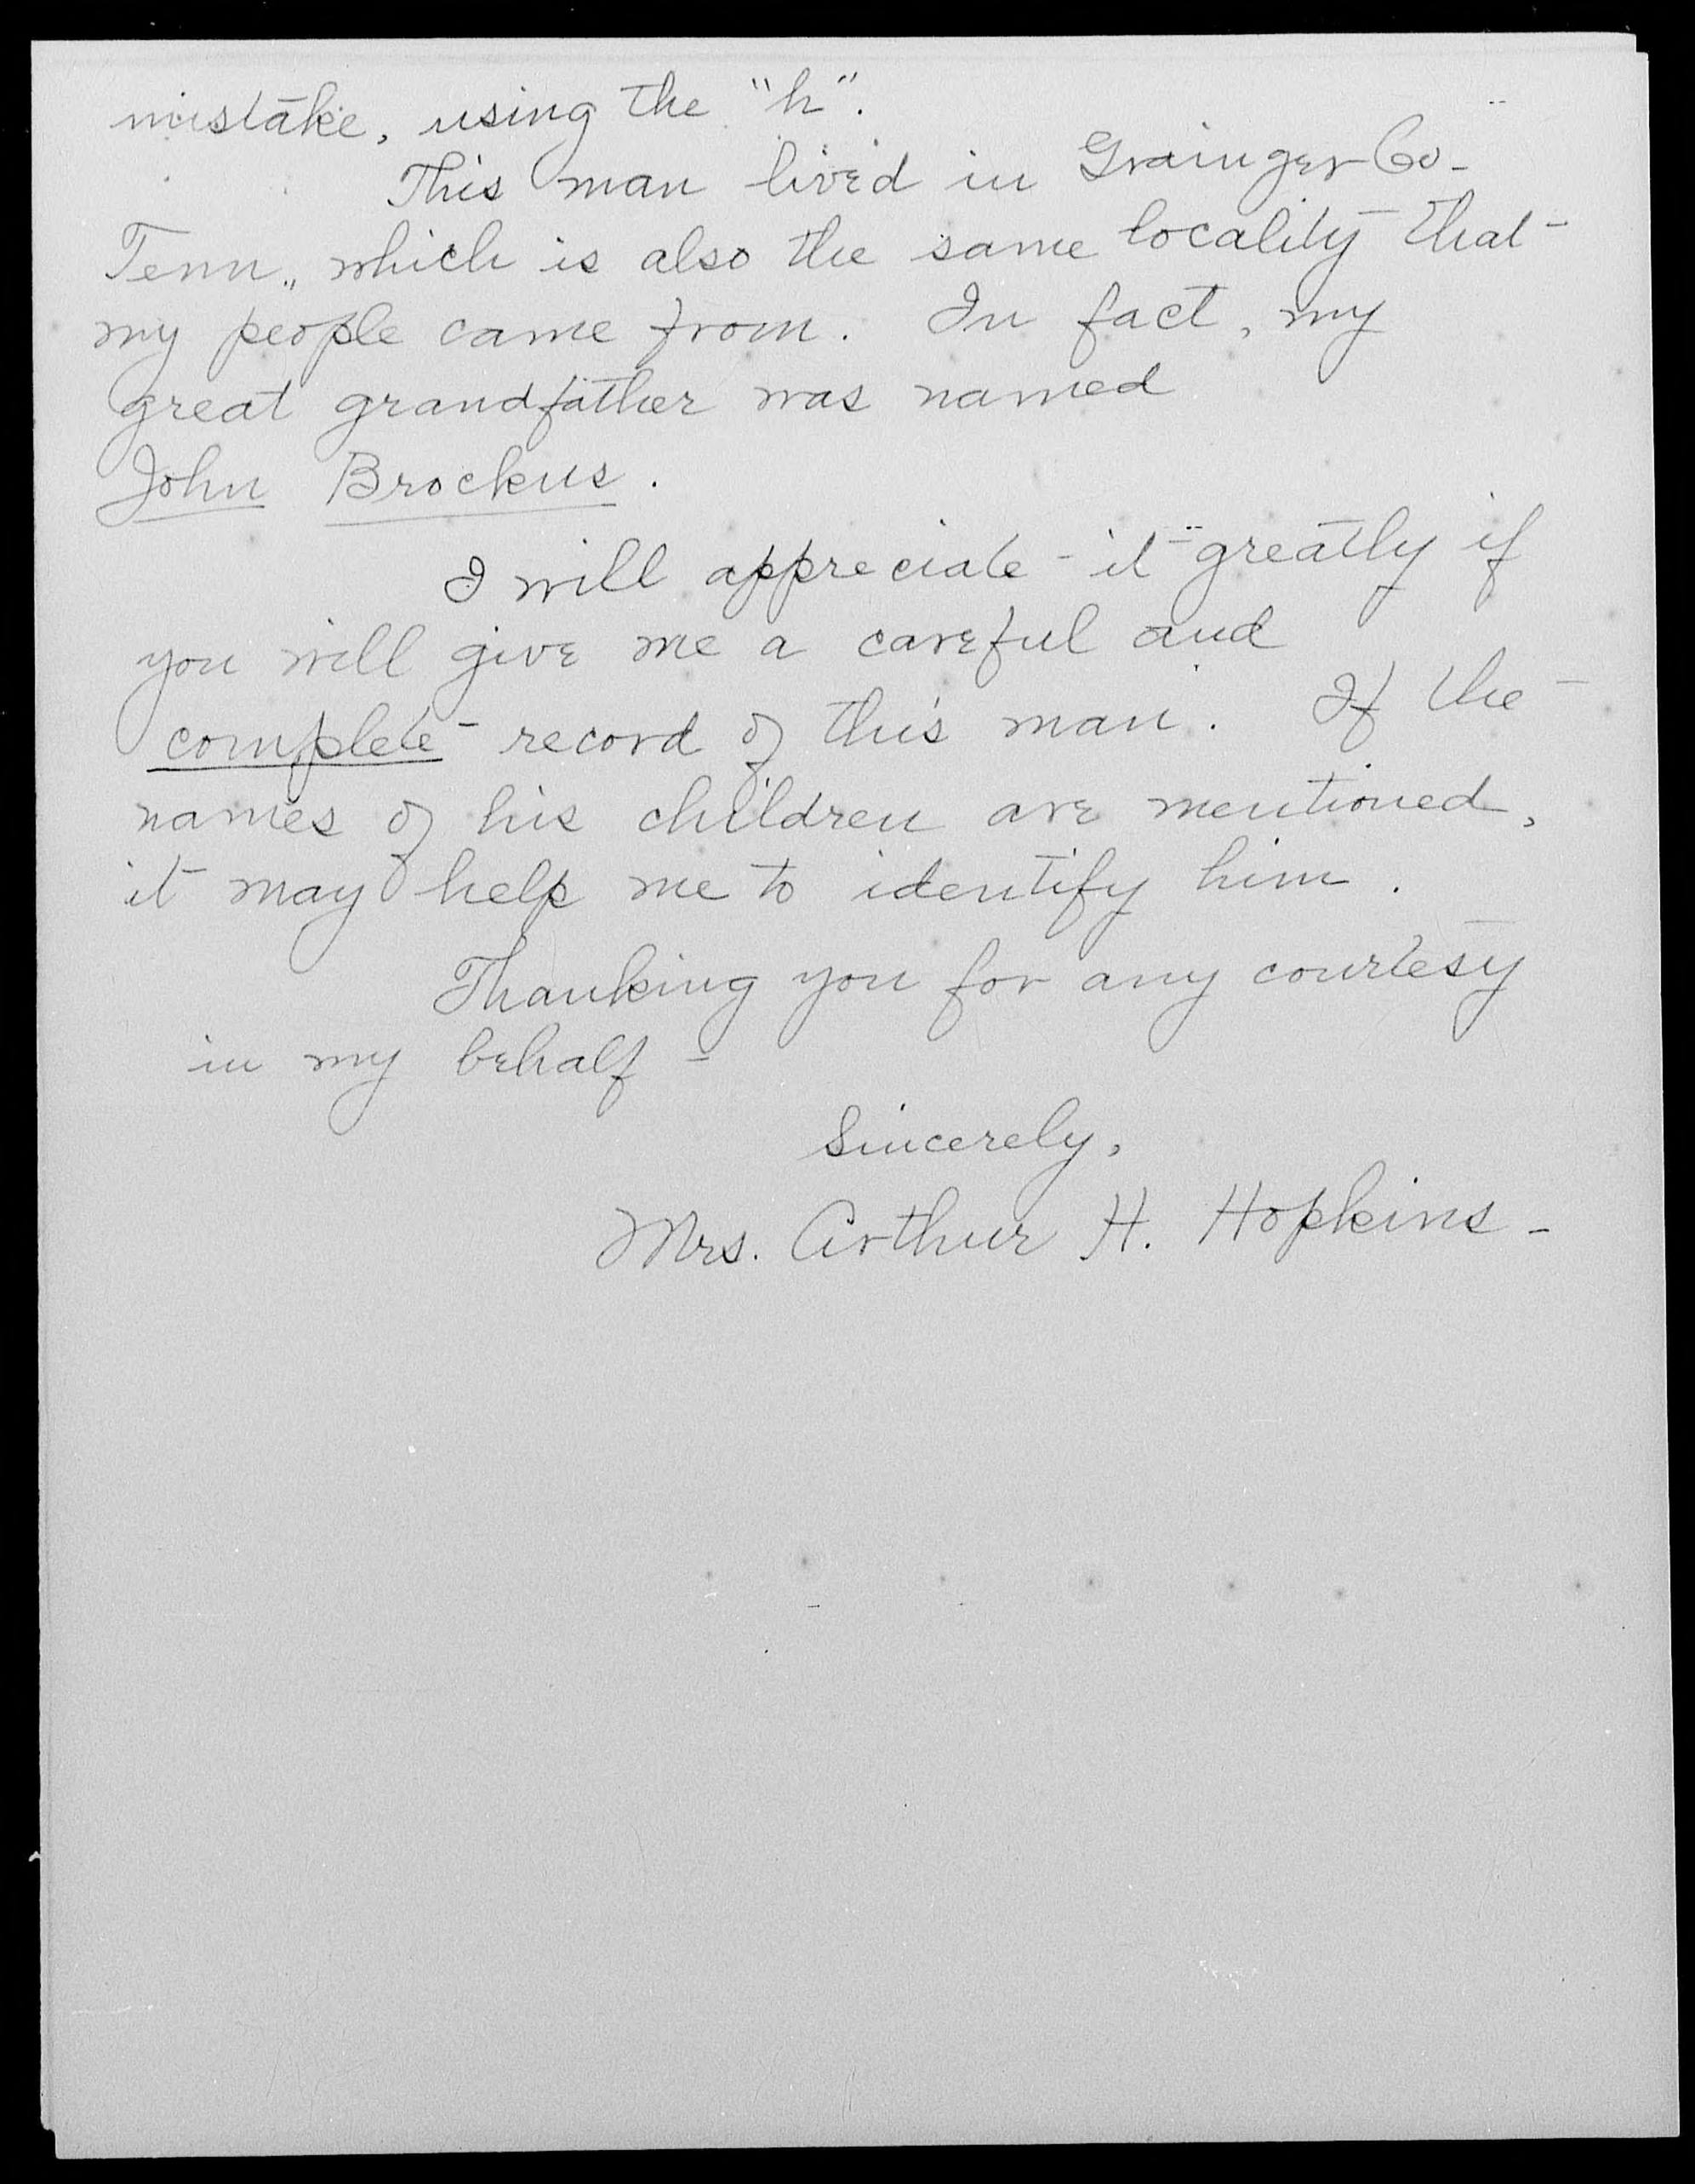mistake using the "h".
This man lived in Grainger Co. Tenn., which is also the same locality that my people came from. In fact, my great grandfather was named John Brockus.
I will appreciate it greatly if you will give me a careful and complete record of this man. If the names of his children are mentioned, it may help me to identify him. 
Thanking you for any courtesy in my behalf
Sincerely,
Mrs. Arthur H. Hopkins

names: Arthur H Hopkins, John Brockus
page: 15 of 19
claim: survivor's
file: S. 39,224, John Brockus, Va.